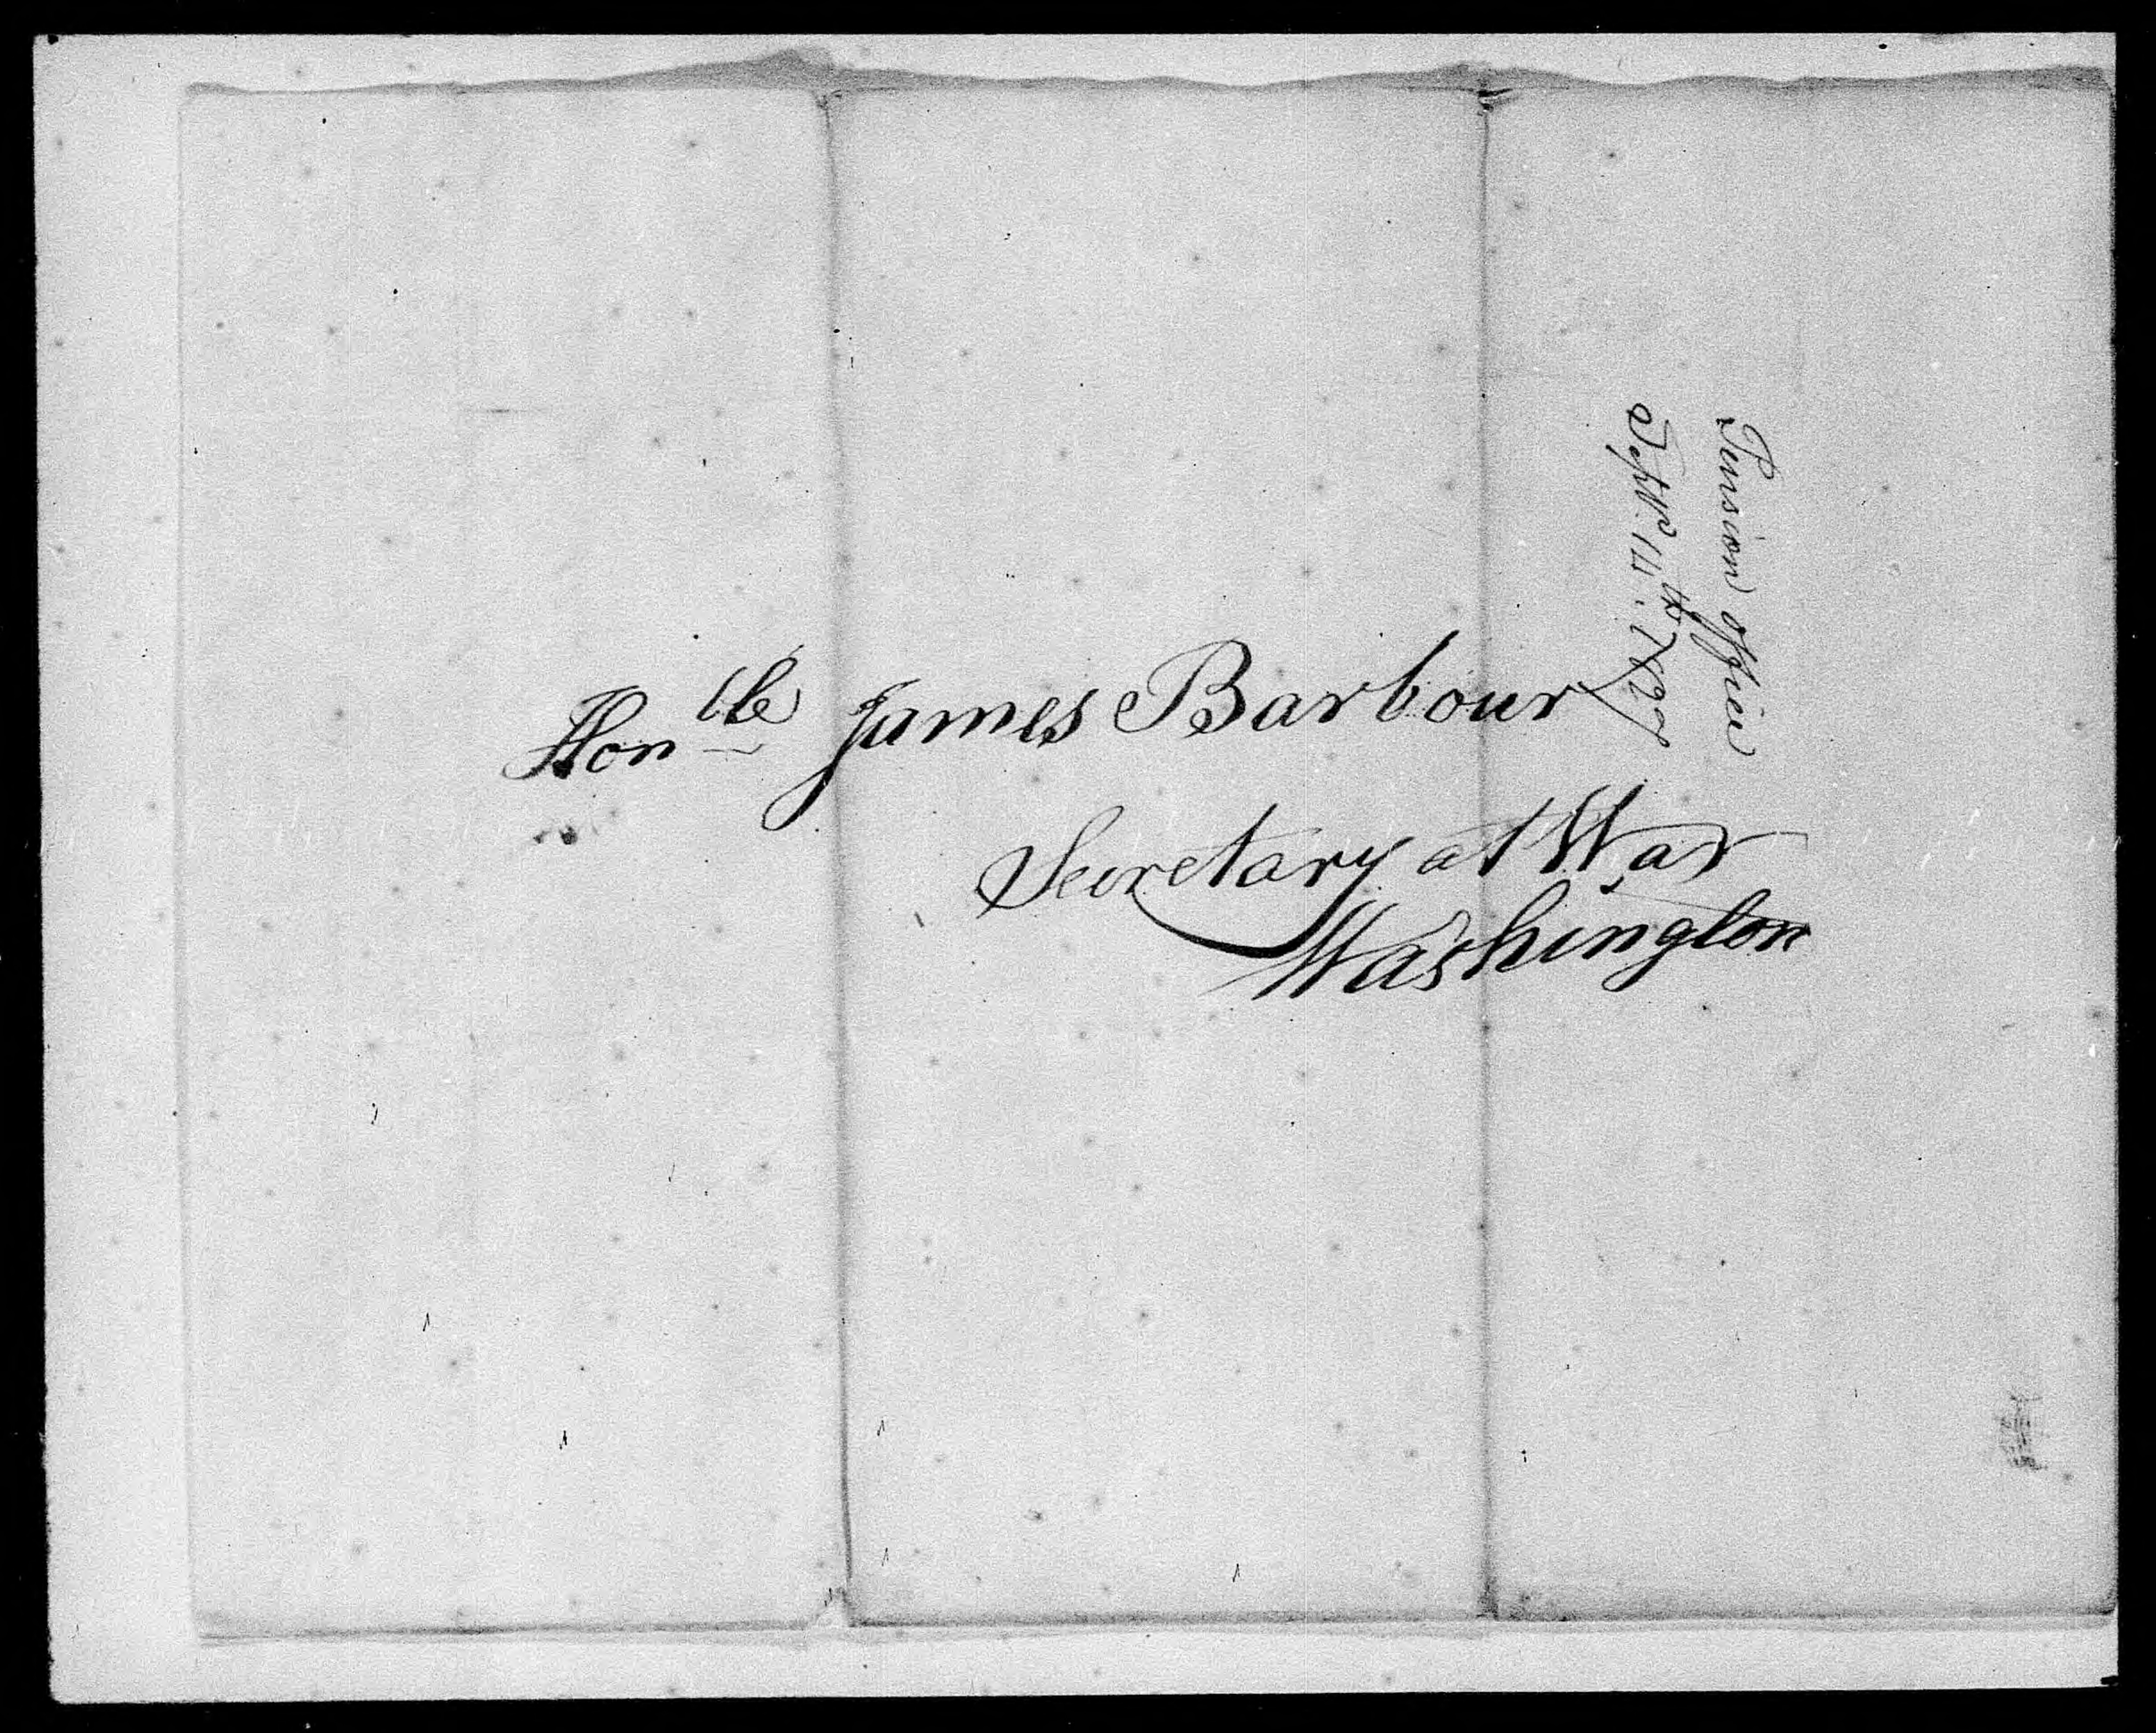Honble James Barbour
Secretary at War
Washington

Pension Office
Sept 14, 1827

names: James Barbour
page: 33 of 46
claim: survivor's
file: S. 36,556, Ichabod Goodrich, Conn.